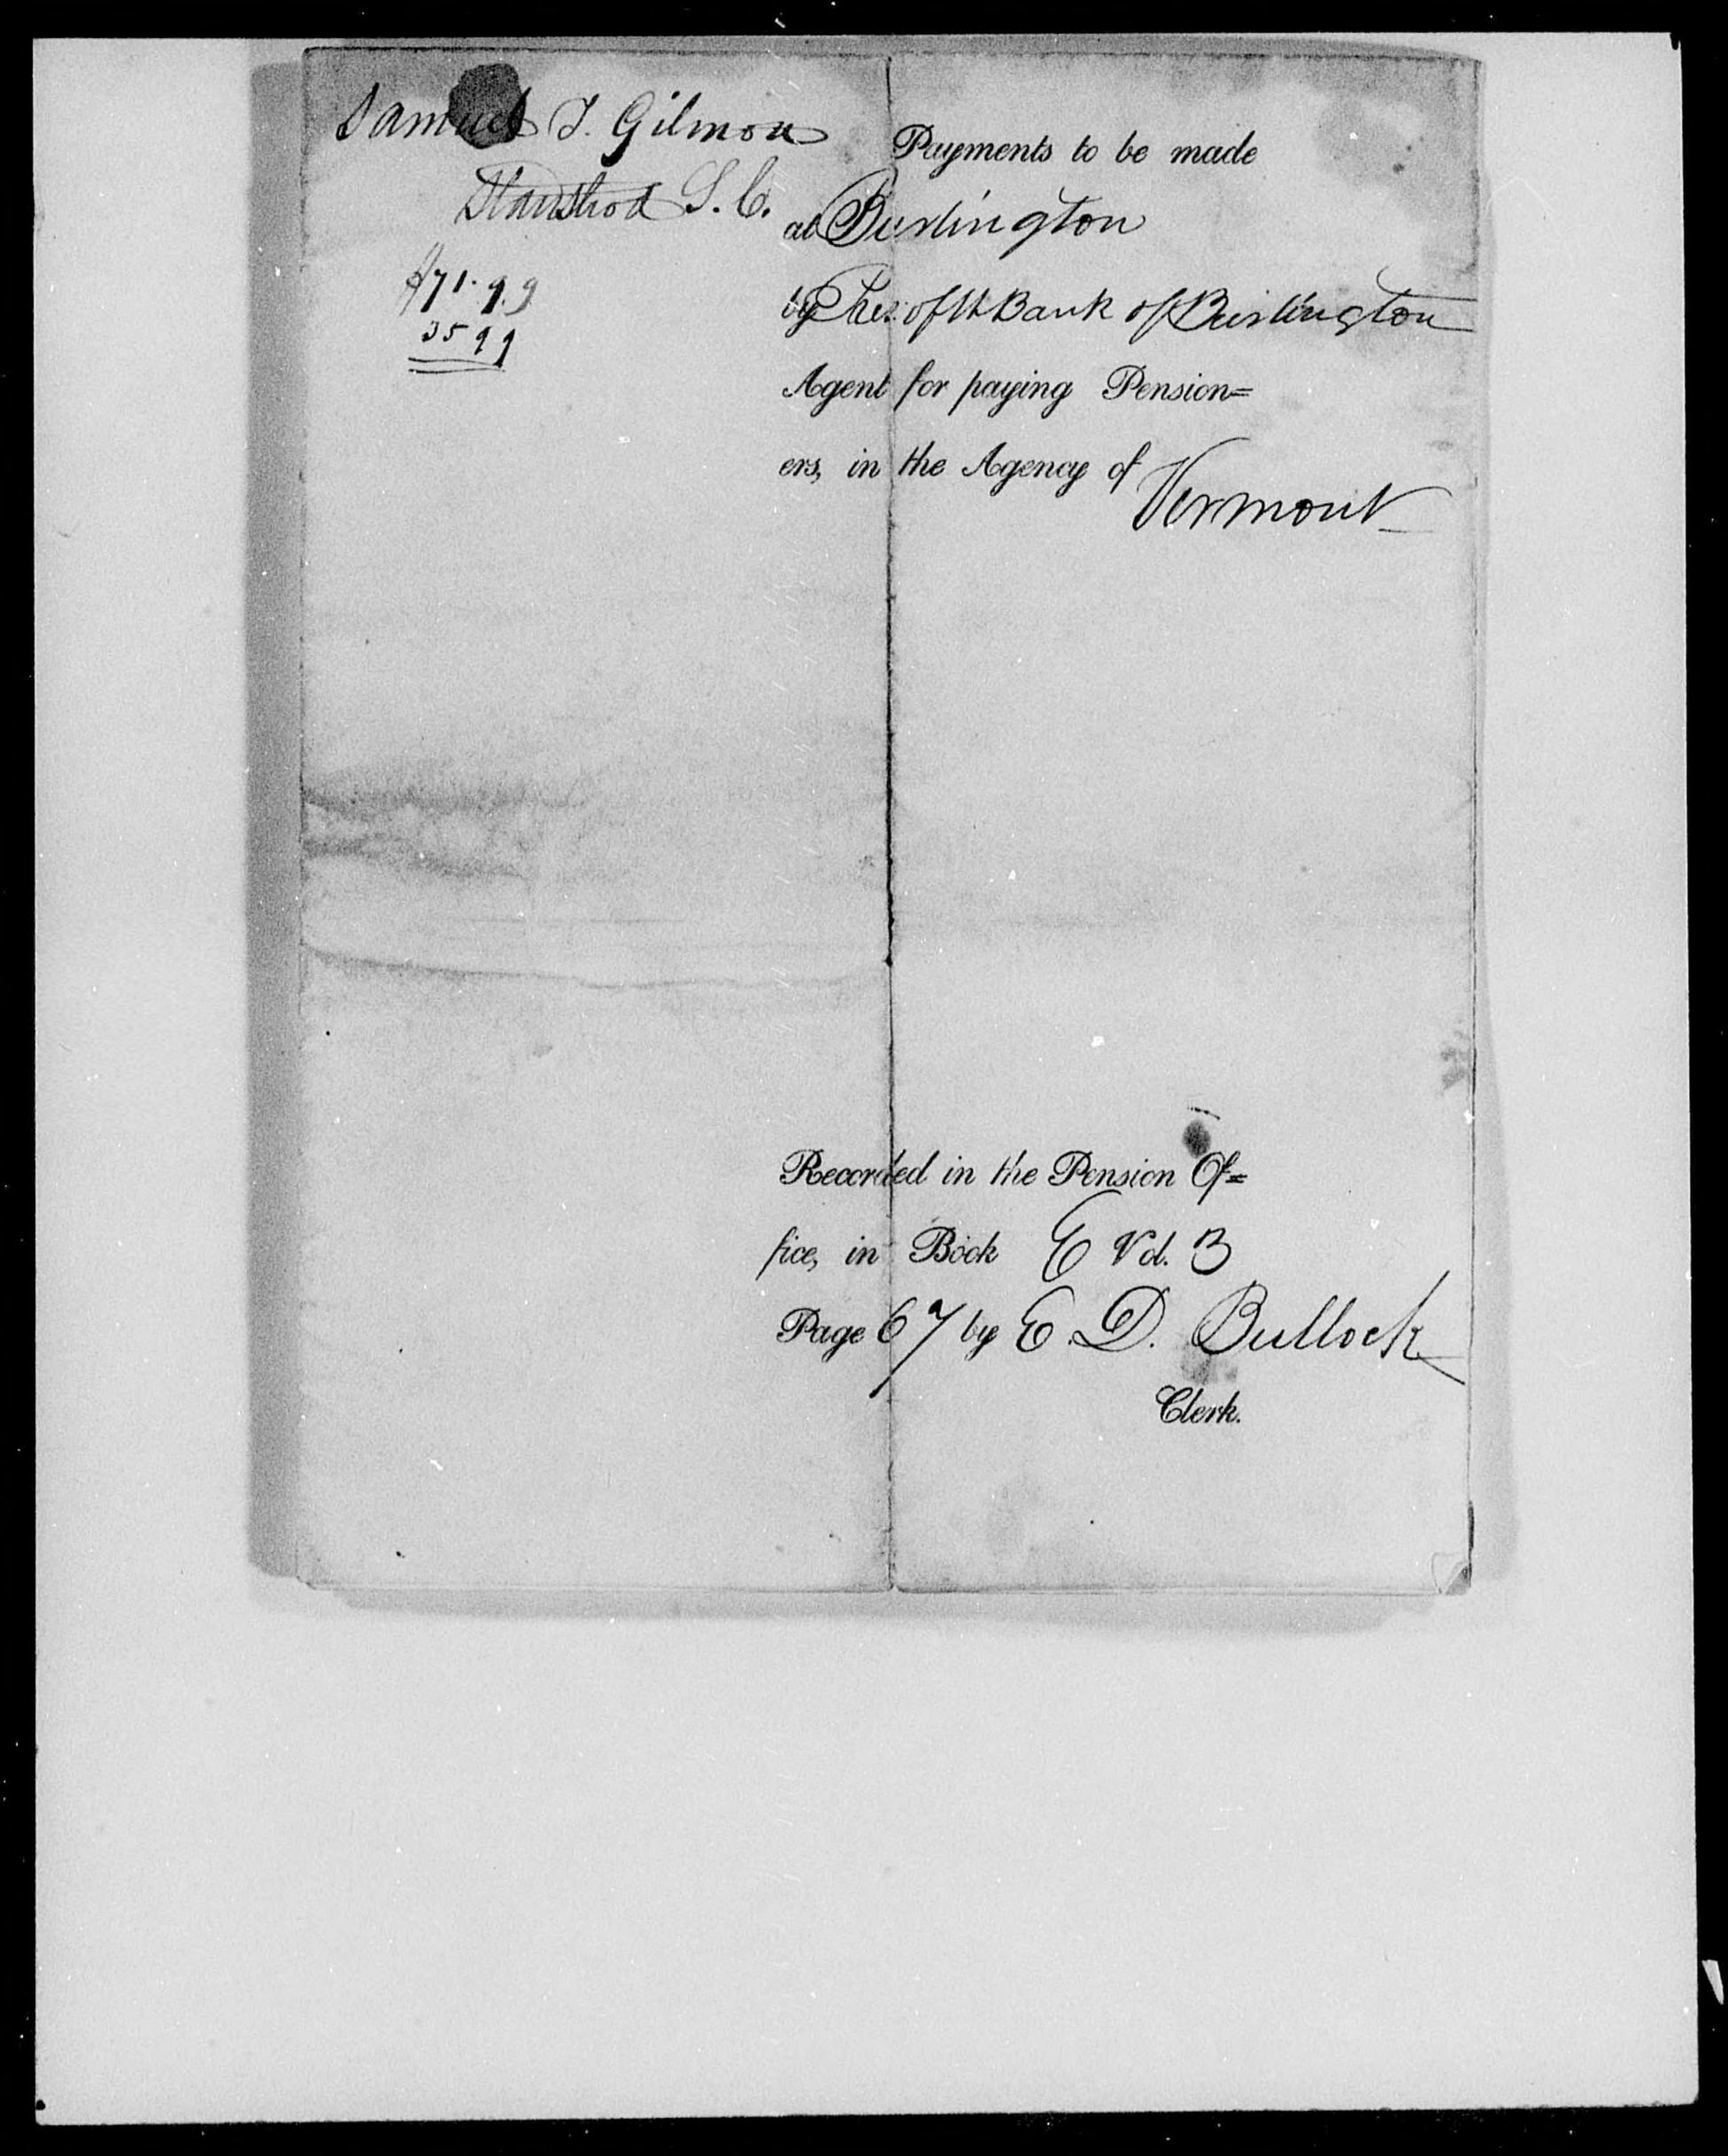[printed form filled in by hand]

Samuel T. Gilman
Stanstead L. C.
$71.99
35.99
_____

Payments to be made at Burlington
by Pres of the Bank of Burlington
Agent for paying Pensioners, 
in the Agency of Vermont -

Recorded in the Pension Office, 
in Book E Vol. 3
Page 67 by E. D. Bullock
Clerk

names: Samuel T Gilmon, E D Bullock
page: 32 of 61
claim: widow's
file: W. 19500, Samuel Thing Gilman, Continental N.H.